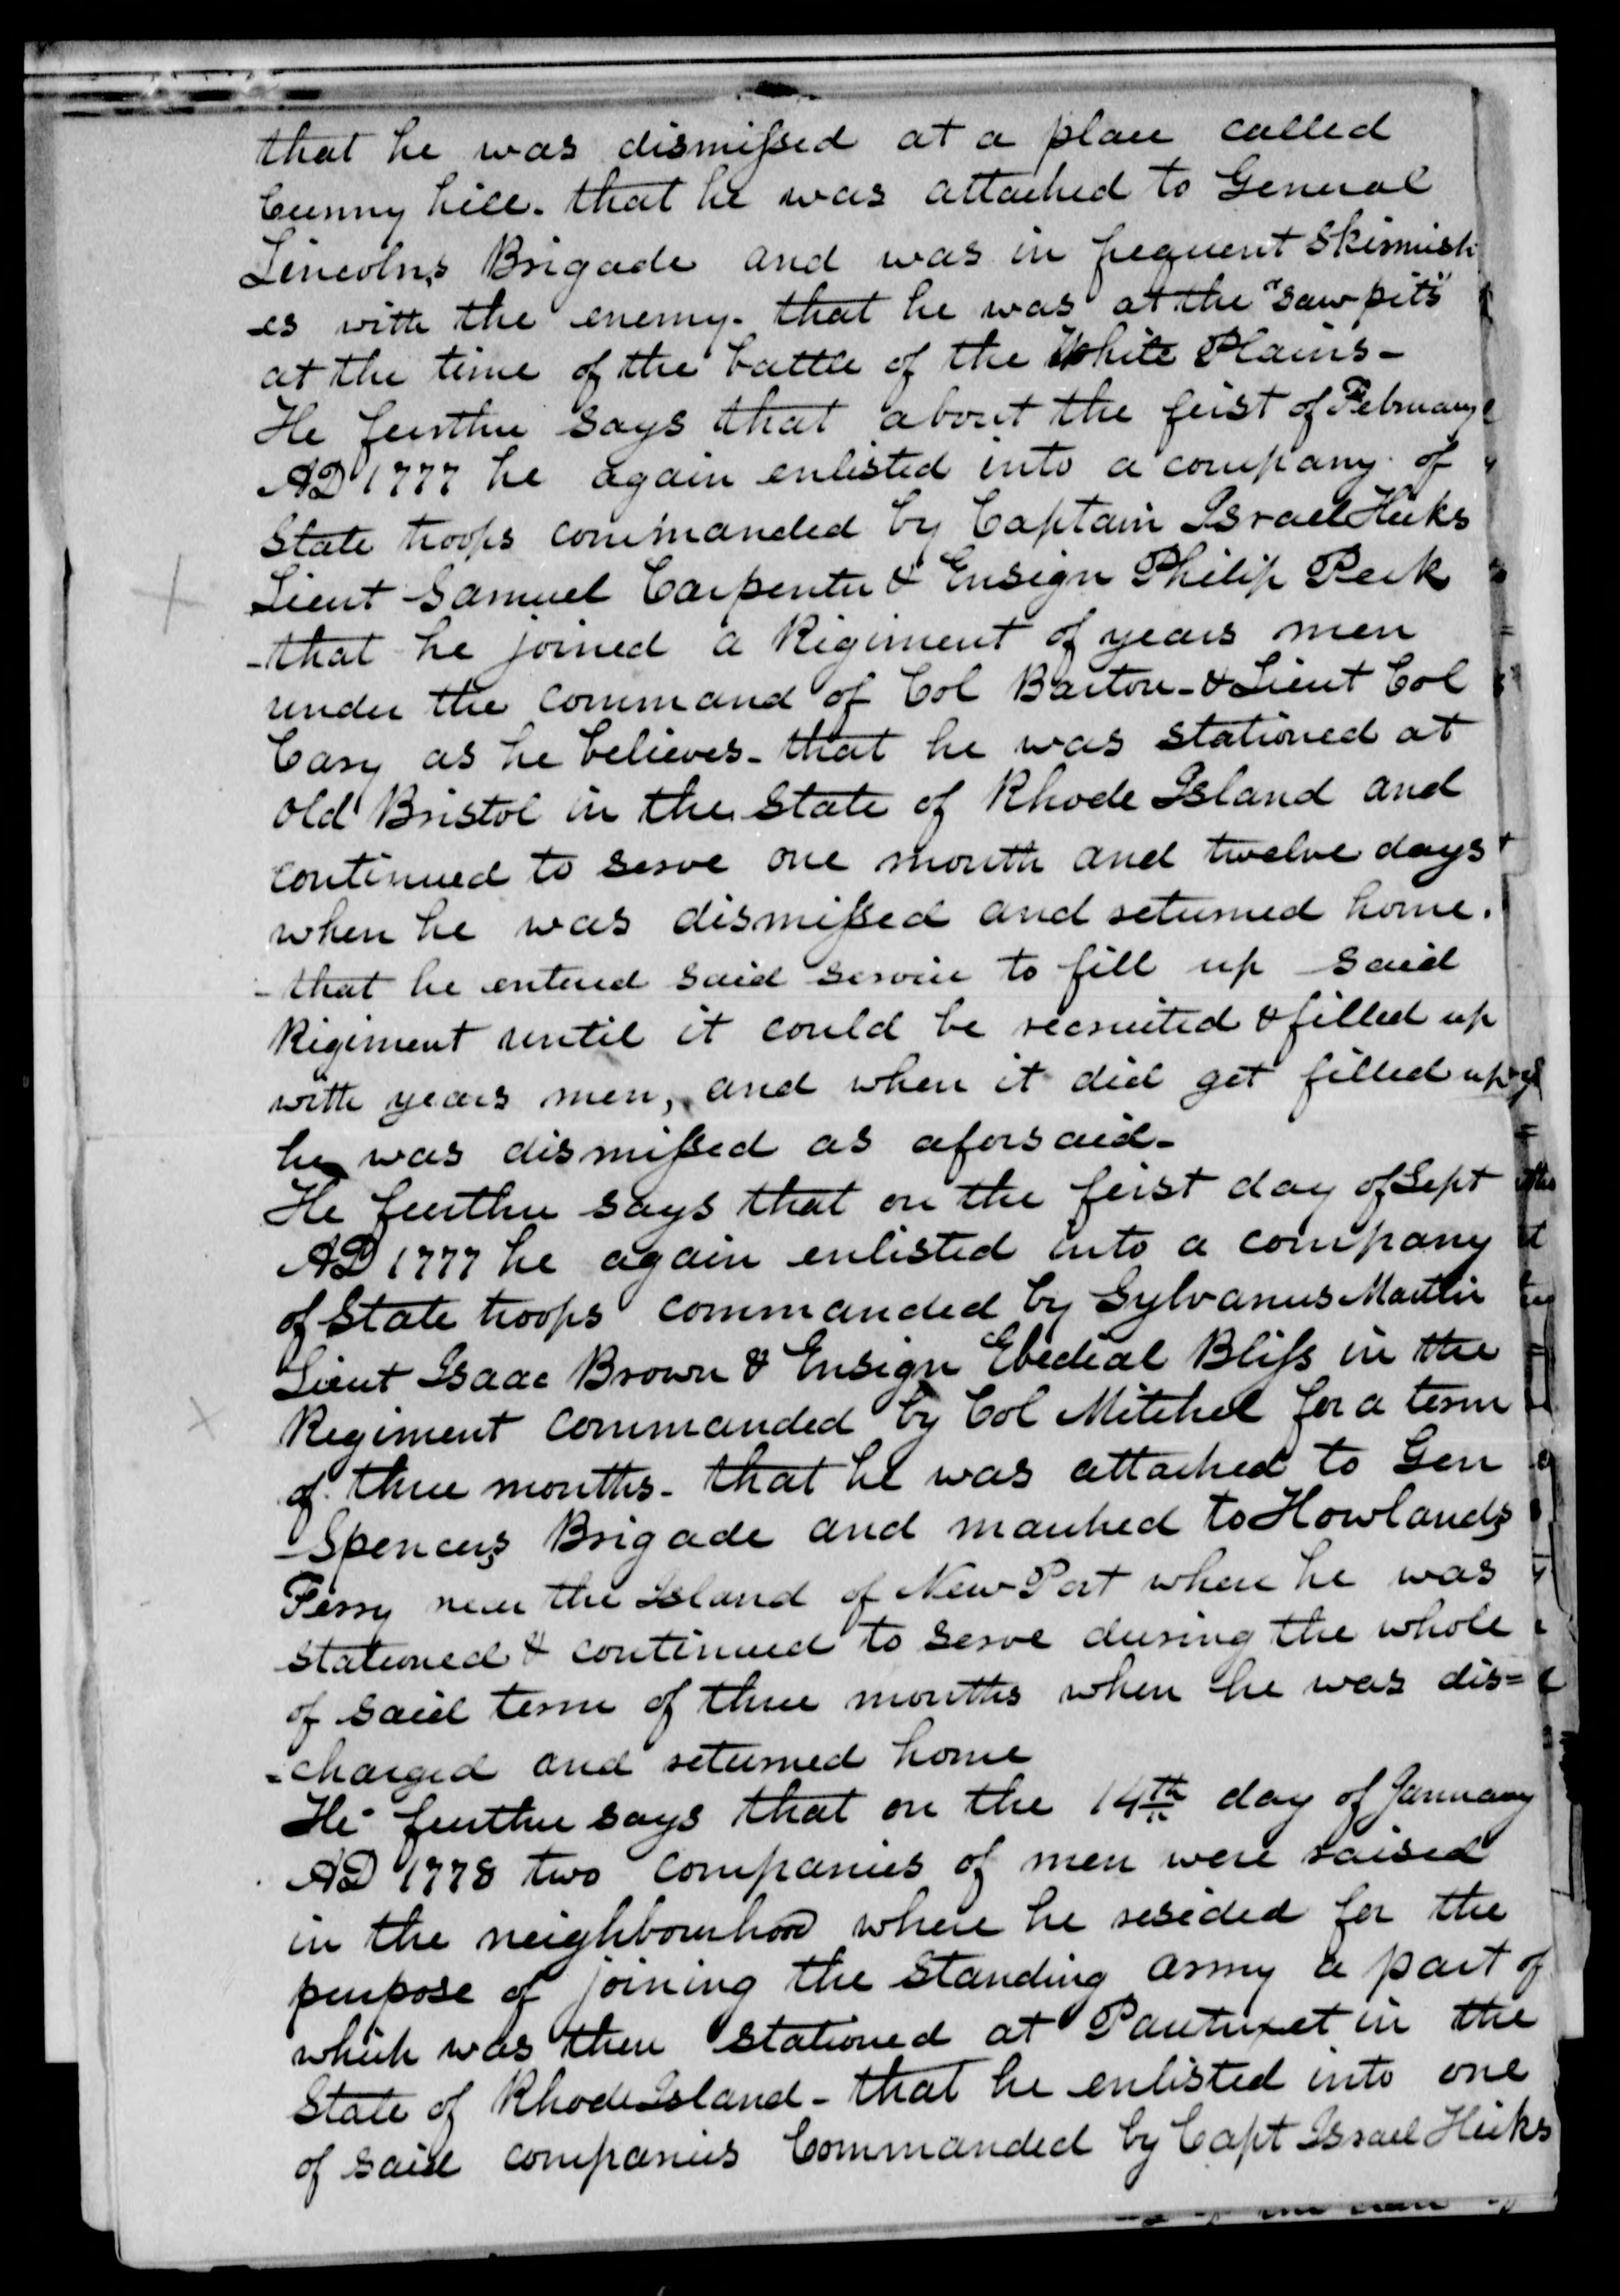That he was dismissed at a place called Cunny Hill. That he was attached to General Lincoln's Brigade and was in frequent skirmishes with the enemy. That he was at the "saw pits" at the time of the battle of White Plains. He further says that about the first of February A. D. 1777 he again enlisted into a company of State troops commanded by Captain Israel Hicks, Lieut Samuel Carpenter & Ensign Philip Peck that he joined a Regiment of years men under the command of Col. Barton *& Lieut. Col. Cary as he believes. That he was stationed at Old Bristol in the State of Rhode Island and continued to serve one month and twelve days when he was dismissed and returned home. That he entered said service to fill up said Regiment until it could be recruited & filled up with years men, and when it did get filled up he was dismissed as aforesaid.
He further says that on the first day of Sept. A.D. 1777 he again enlisted into a company of State troops commanded by Sylvanus Martin, Lieut. Isaac Brown & Ensign Ebedial Bliss in the Regiment commanded by Col. Mitchel for a term of three months. That he was attached to Gen. Spencers Brigade and marched to Howlands Ferry near the Island of New Port where he was stationed & continued to serve during the whole of said term of three months when he was discharged and returned home.
He further says that on the 14th day of January A.D. 1778 two companies of men were raised in the neighbourhood where he resided for the purpose of joining the Standing army a part of which was then stationed at Pawtuxet in the State of Rhode Island. That he enlisted into one of said companies commanded by Capt. Israel Hicks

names: Samuel Carpenter, Sylvanus Martin, Israel Hicks, Cary, Philip Peck, Isaac Brown, Barton, Ebedial Bliss, Mitchel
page: 8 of 98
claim: widow's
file: W. 1682, Valentine Wheeler, Mass.